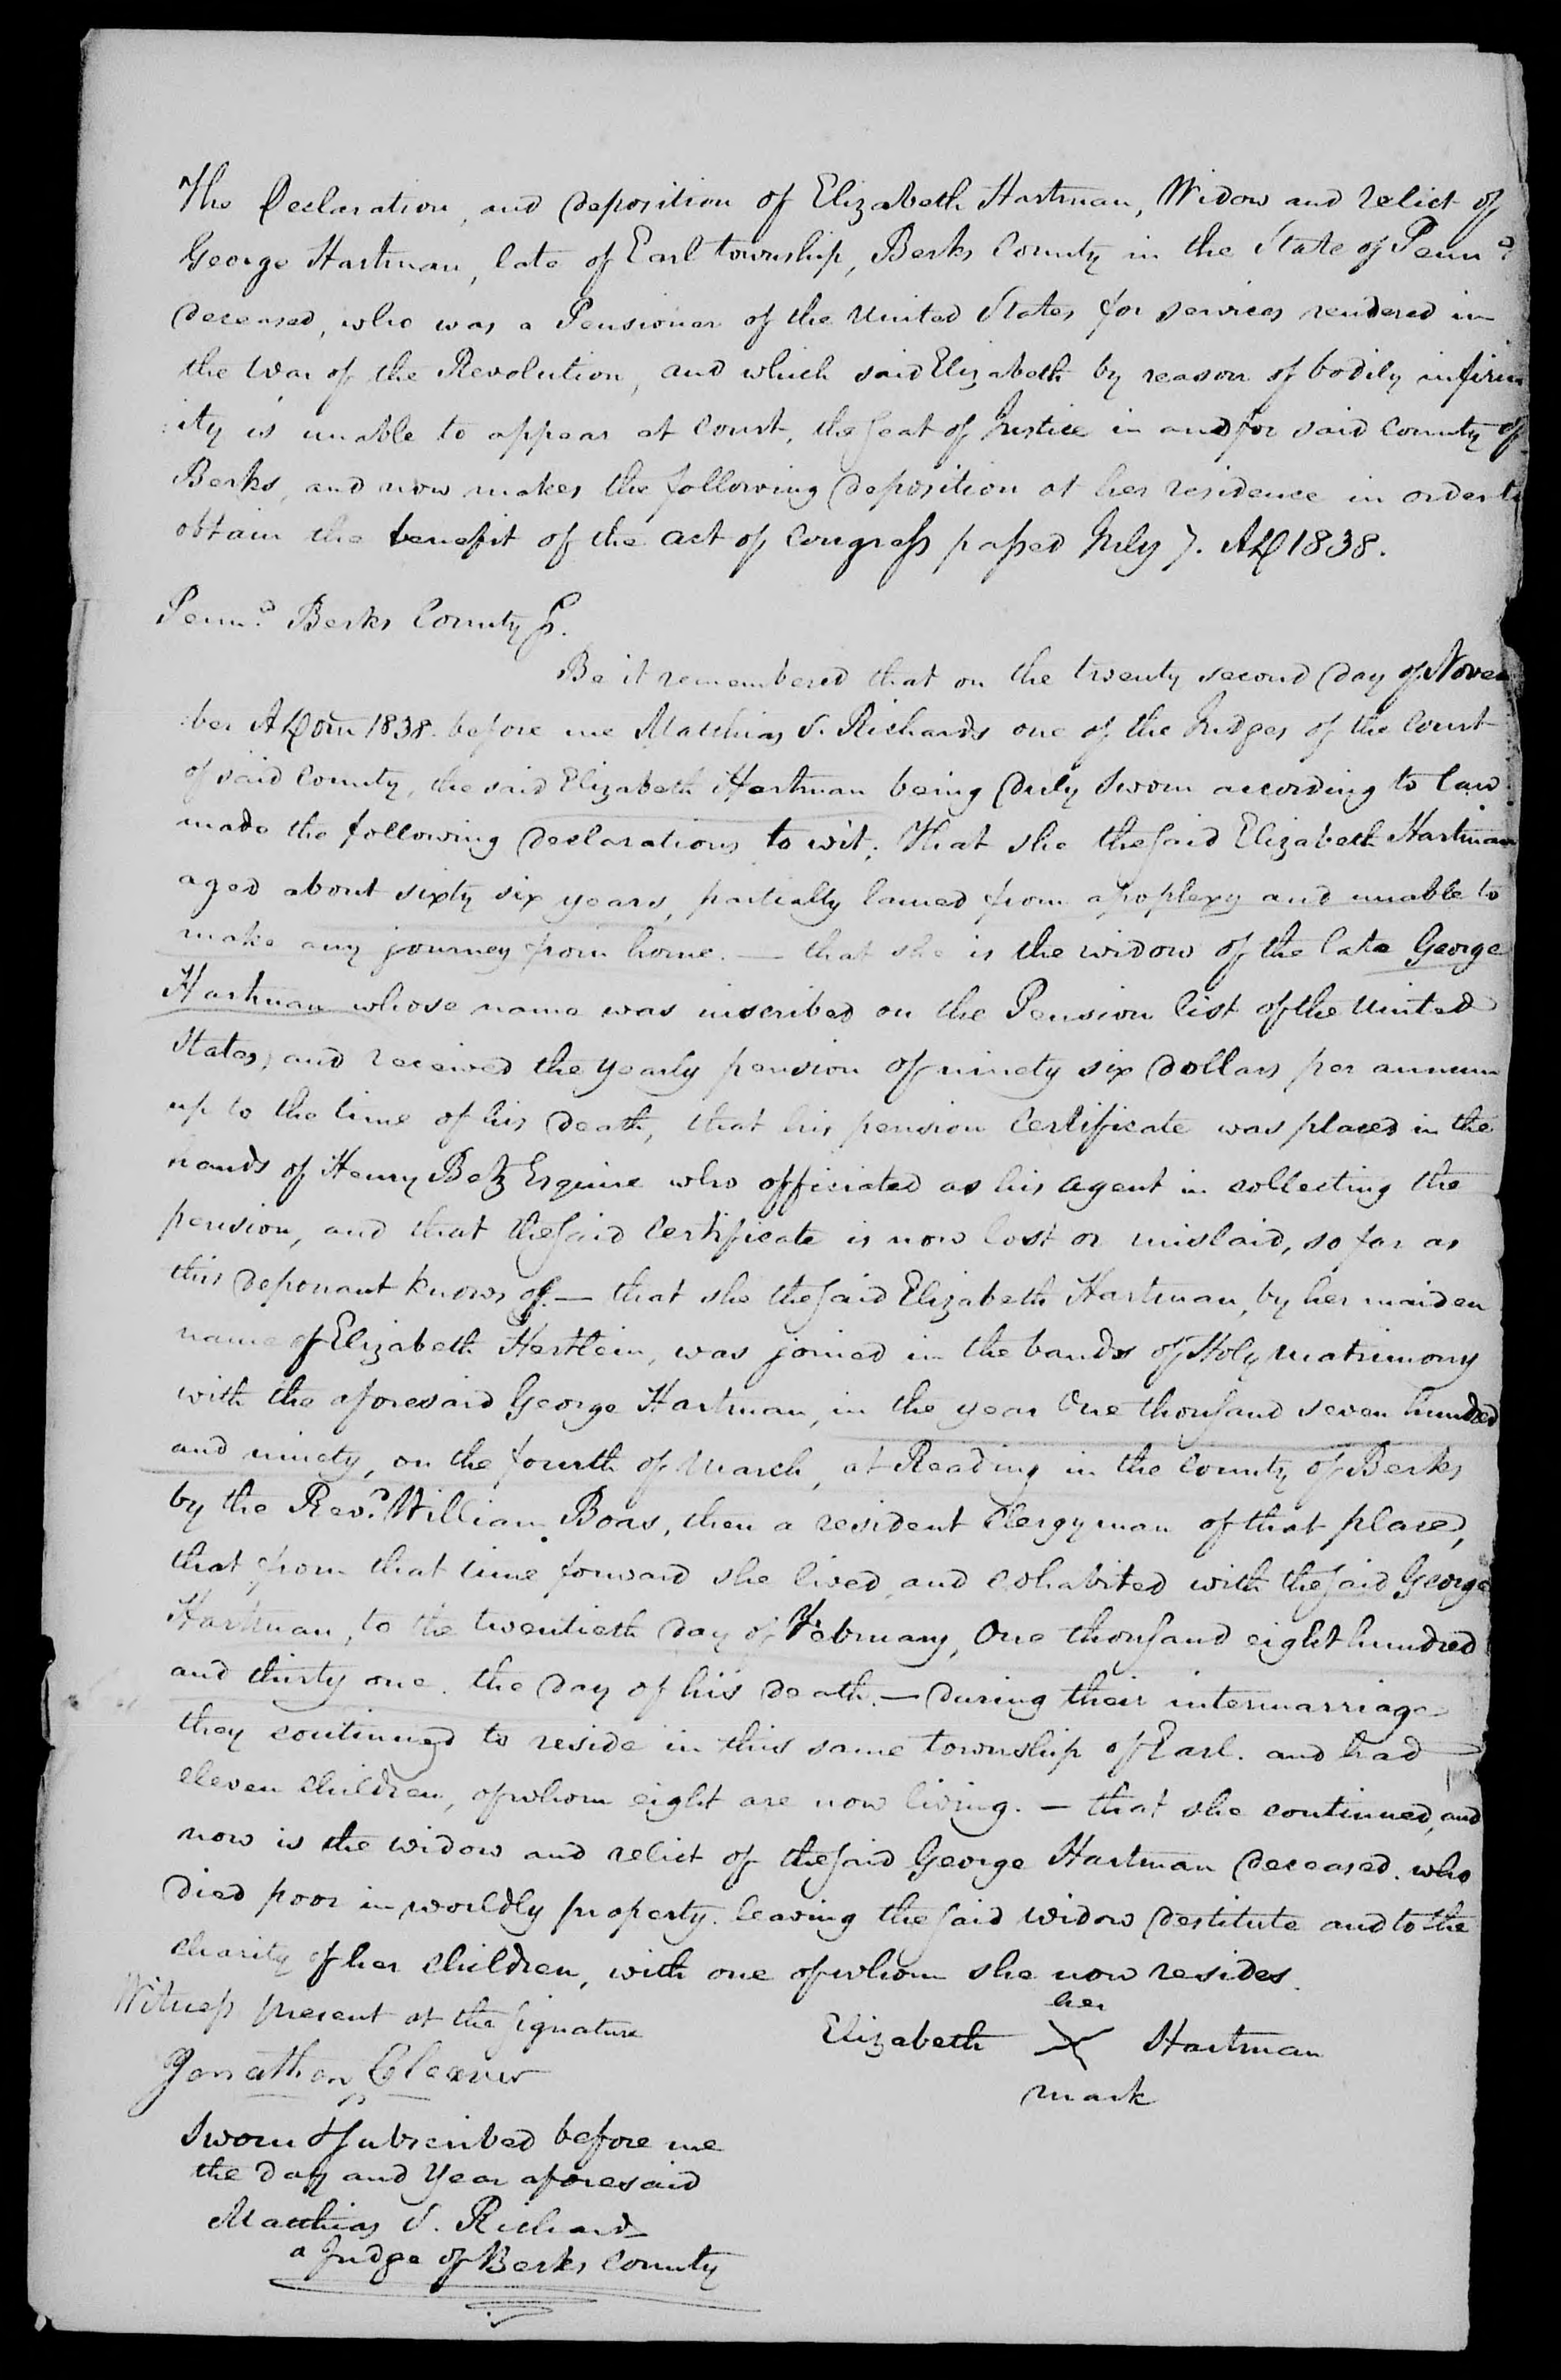The Declaration, and deposition of Elizabeth Hartman, Widow and relict of
George Hartman, late of Earl township, Berks County in the State of Penn
deceased, who was a Pensioner of the United States for services rendered in
the War of the Revolution, and which said Elizabeth by reason of bodily infirmity
is unable to appear at court, the Seat of Justice in and for said county of
Berks and now makes the following deposition at her residence in order to
obtain the benefit of the act of congress dated July 7 AD 1838.
Penn Berks County ss
Be it remembered that on the twenty second day of November
ADom 1838 before me Mathias S Richards one of the Judges of the court
of said county, the said Elizabeth Hartman being duly sworn according to law
made the following declarations to wit; That she the said Elizabeth Hartman
aged about sixty six years, partially lamed from apoplexy and unable to 
make any journey from home. That she is the widow of the late George
Hartman whose name was inscribed on the Pension list of the United
States, and received the yearly pension of ninety six dollars per annum
up to the time of his death, that his pension Certificate was placed in the
hands of Henry Betz Esquire who officiated as his agent in collecting the
pension, and that the said Certificate is now lost or mislaid, so far as
this deponent knows of. That she the said Elizabeth Hartman, by her maiden
name of Elizabeth Hertlein, was joined in the bands of Holy matrimony
with the aforesaid George Hartman, in the year One thousand seven hundred
and ninety, on the fourth of March, at Reading in the County of Berks
by the Revd William Boas, then a resident Clergyman of that place,
that from that time forward she lived and cohabitated with the said George
Hartman, to the twentieth day of February, One thousand eight hundred
and thirty one the day of his death.  During their intermarriage
they continued to reside in this same township of Earl and had
eleven children, of whom eight are now living.  That she continued and
now is the widow and relict of the said George Hartman deceased who
died poor in worldly property leaving the said widow destitute and to the 
charity of her children, with one of whom she now resides.
Witness present at the signature | her
 | Elizabeth X Hartman
Jonathan Cleaver | mark
Sworn & subscribed before me
the day and Year aforesaid
Matthias S Richards
a Judge of Berks County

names: George Hartman, Elizabeth, Elizabeth Hartman, George Hartman, Jonathan Cleaver, Matthias S Richards, Elizabeth Hartman, Elizabeth Hartman, Elizabeth Hartman, Henry Betz, George Hartman, Elizabeth Hartman, Elizabeth Hertlein, George Hartman, William Boas, George Hartman, Matthias S Richards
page: 14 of 29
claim: widow's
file: W. 2,789, George Hartman, New Jersey